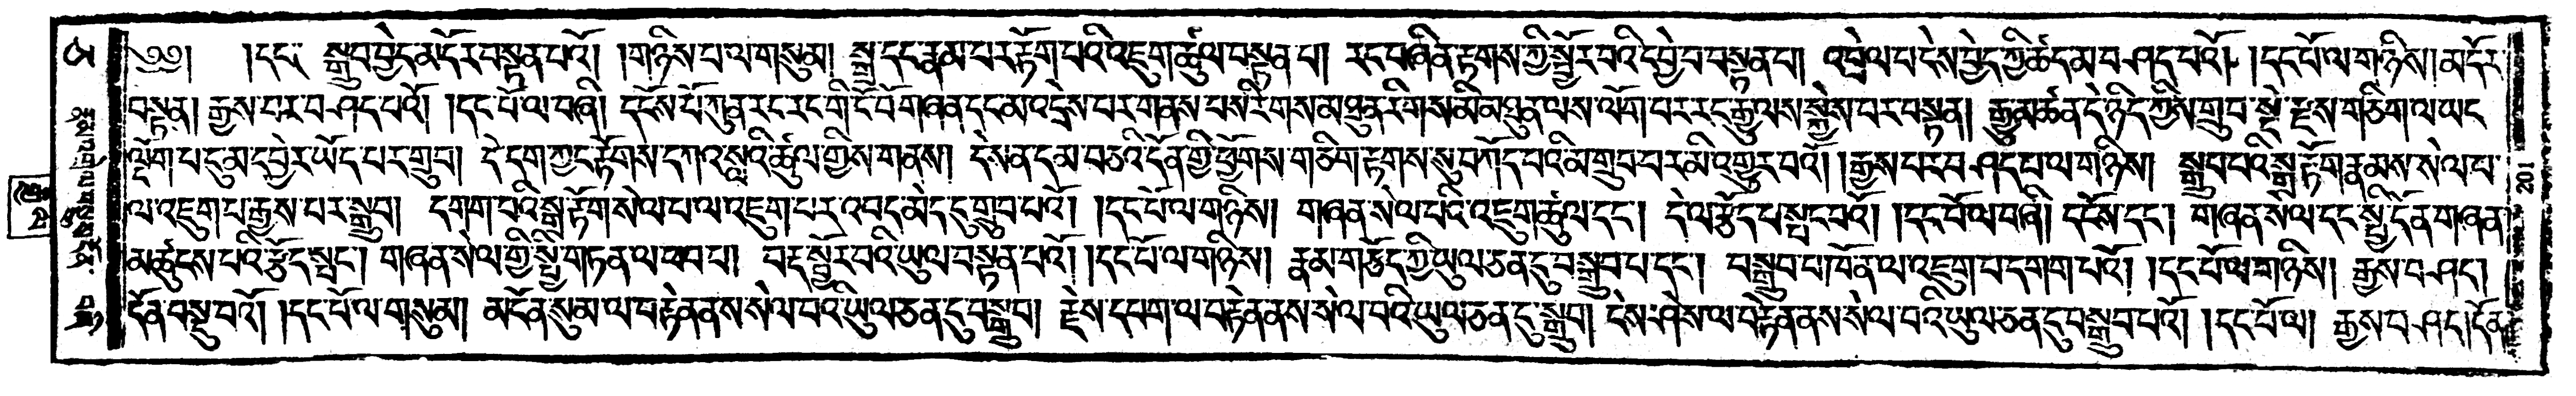༄༅། །དང་། སྒྲུབ་བྱེད་མདོར་བསྟན་པའོ། །གཉིས་པ་ལ་གསུམ། སྒྲ་དང་རྣམ་པར་རྟོག་པའི་འཇུག་ཚུལ་བསྟན་པ། རང་བཞིན་རྟགས་ཀྱི་སྦྱོར་བའི་དབྱེ་བ་བསྟན་པ། འབྲེལ་པ་ངེས་བྱེད་ཀྱི་ཚད་མ་བཤད་པའོ། །དང་པོ་ལ་གཉིས། མདོར་
བསྟན། རྒྱས་པར་བཤད་པའོ། །དང་པོ་ལ་བཞི། དངོས་པོ་ཀུན་རང་རང་གི་ངོ་བོ་གཞན་དང་མ་འདྲེས་པར་གནས་པས་རིགས་མཐུན་རིགས་མི་མཐུན་ལས་ལོག་པར་རང་རྒྱུ་ལས་སྐྱེས་པར་བསྟན། རྒྱུ་མཚན་དེ་ཉིད་ཀྱིས་གྲུབ་སྡེ་རྫས་གཅིག་ལ་ཡང་
ལྡོག་པ་དུ་མ་དབྱེར་ཡོད་པར་གྲུབ། དེ་དག་ཀྱང་རྟོགས་དཀའ་སླའི་ཚུལ་གྱིས་གནས། དེས་ན་དམ་བཅའི་དོན་གྱི་ཕྱོགས་གཅིག་རྟགས་སུ་བཀོད་པའི་མ་གྲུབ་པར་མི་འགྱུར་བའོ། །རྒྱས་པར་བཤད་པ་ལ་གཉིས། སྒྲུབ་པའི་སྒྲ་རྟོག་རྣམས་སེལ་པ་
ལ་འཇུག་པ་རྒྱས་པར་སྒྲུབ། དགག་པའི་སྒྲ་རྟོག་སེལ་པ་ལ་འཇུག་པར་འབད་མེད་དུ་གྲུབ་པའོ། །དང་པོ་ལ་གཉིས། གཞན་སེལ་པའི་འཇུག་ཚུལ་དང་། དེ་ལ་རྩོད་པ་སྤང་བའོ། །དང་པོ་ལ་བཞི། དངོས་དང་། གཞན་སེལ་དང་སྤྱི་དོན་གཞན་
མཚུངས་པའི་རྩོད་སྤང་། གཞན་སེལ་གྱི་སྤྱི་གཏན་ལ་ཕབ་པ། བརྡ་སྦྱོར་བའི་ཡུལ་བསྟན་པའོ། །དང་པོ་ལ་གཉིས། རྣམ་གཅོད་ཀྱི་ཡུལ་ཅན་དུ་བསྒྲུབ་པ་དང་། བསྒྲུབ་པ་ཁོ་ན་ལ་འཇུག་པ་དགག་པའོ། །དང་པོ་ལ་གཉིས། རྒྱས་བཤད།
དོན་བསྡུ་བའོ། །དང་པོ་ལ་གསུམ། མངོན་སུམ་ལ་བརྟེན་ནས་སེལ་བའི་ཡུལ་ཅན་དུ་བསྒྲུབ། རྗེས་དཔག་ལ་བརྟེན་ནས་སེལ་བའི་ཡུལ་ཅན་དུ་སྒྲུབ། ངེས་ཤེས་ལ་བརྟེན་ནས་སེལ་བའི་ཡུལ་ཅན་དུ་བསྒྲུབ་པའོ། །དང་པོ་ལ། རྒྱས་བཤད། དོན་